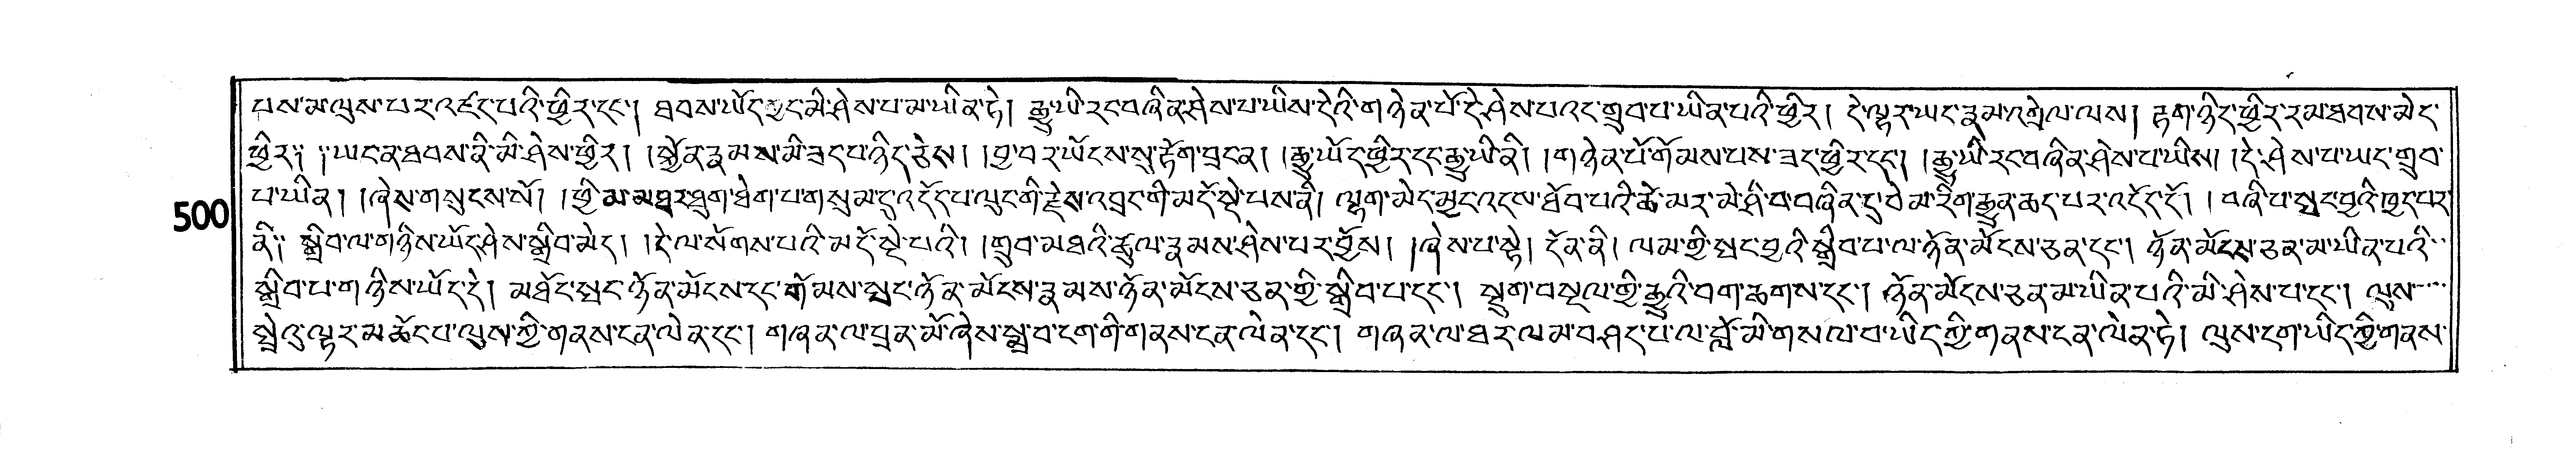པས་མ་ལུས་པར་འཛད་པའི་ཕྱིར་དང་། ཐབས་ཡོད་ཀྱང་མི་ཤེས་པ་མ་ཡིན་ཏེ། རྒྱུ་ཡི་རང་བཞིན་ཤེས་པ་ཡིས་དེའི་གཉེན་པོ་དེ་ཤེས་པའང་གྲུབ་པ་ཡིན་པའི་ཕྱིར། དེ་ལྟར་ཡང་རྣམ་འགྲེལ་ལས། རྟག་ཉིད་ཕྱིར་རམ་ཐབས་མེད་
ཕྱིར༑ ༑ཡང་ན་ཐབས་ནི་མི་ཤེས་ཕྱིར། །སྐྱོན་རྣམས་མི་ཟད་པ་ཉིད་ཅེས། །བྱ་བར་ཡོངས་སུ་རྟོག་བྲང་ན། །རྒྱུ་ཡོད་ཕྱིར་དང་རྒྱུ་ཡི་ནི། །གཉེན་པོ་གོམས་པས་ཟད་ཕྱིར་དང་། །རྒྱུ་ཡི་རང་བཞིན་ཤེས་པ་ཡིས། །དེ་ཤེས་པ་ཡང་གྲུབ་
པ་ཡིན། །ཞེས་གསུངས་སོ། །ཕྱི་མ་མཐར་ཐུག་ཐེག་པ་གསུམ་དུ་འདོད་པ་ལུང་གི་རྗེས་འབྲང་གི་མདོ་སྡེ་པས་ནི། ལྷག་མེད་མྱང་འདས་ཐོབ་པའི་ཚེ་མར་མེ་ཤི་བ་བཞིན་དུ་བེམ་རིག་རྒྱུན་ཆད་པར་འདོད་དོ། །བཞི་པ་སྤང་བྱའི་ཁྱད་པར་
ནི༑ སྒྲིབ་ལ་གཉིས་ཡོད་ཤེས་སྒྲིབ་མེད། །དེ་ལ་སོགས་པའི་མདོ་སྡེ་པའི། །གྲུབ་མཐའི་ཚུལ་རྣམས་ཤེས་པར་བྱོས། །ཞེས་པ་སྟེ། དོན་ནི། ལམ་གྱི་སྤང་བྱའི་སྒྲིབ་པ་ལ་ཉོན་མོངས་ཅན་དང་། ཉོན་མོངས་ཅན་མ་ཡིན་པའི་
སྒྲིབ་པ་གཉིས་ཡོད་དེ། མཐོང་སྤང་ཉོན་མོངས་དང་གོམས་སྤང་ཉོན་མོངས་རྣམས་ཉོན་མོངས་ཅན་གྱི་སྒྲིབ་པ་དང་། སྡུག་བསྔལ་གྱི་རྒྱུའི་བག་ཆགས་དང་། ཉོན་མོངས་ཅན་མ་ཡིན་པའི་མི་ཤེས་པ་དང་། ལུས་
སྤྲེའུ་ལྟར་མཆོང་པ་ལུས་ཀྱི་གནས་ངན་ལེན་དང་། གཞན་ལ་བྲན་མོ་ཞེས་སྨྲ་བ་ངག་གི་གནས་ངན་ལེན་དང་། གཞན་ལ་ཐར་ལམ་བཤད་པ་ལ་བློ་མི་གསལ་བ་ཡིད་ཀྱི་གནས་ངན་ལེན་ཏེ། ལུས་ངག་ཡིད་ཀྱི་གནས་